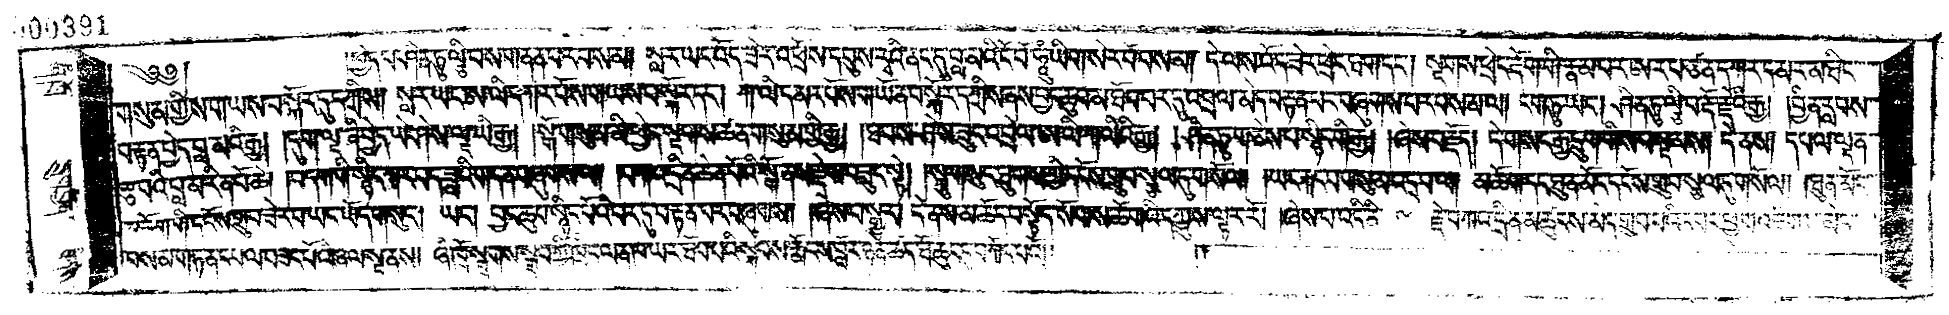༄༅། །ཕྱེད་པ་ཤིན་ཏུ་ལྕི་བས་གནན་པར་བསམ། སླར་ཡང་འོད་ཟེར་འཕྲོས་དབུས་རྭའི་ནང་དུ་བླ་མའི་ངོ་བོ་ཧཱུཾ་ཡིག་སེར་པོ་བསམ། དེ་ལས་འོད་ཟེར་ཕྲེང་ཐག་དང་། སྔགས་ཕྲེང་རྡོག་གི་རྣམ་པར་ཨ་ར་པ་ཙ་ན་དཀར་དམར་མཐིང་
གསུམ་གྱིས་གཡས་བསྐོར་དུ་དཀྲིས། སླར་ཡང་ཨ་ལི་དཀར་པོས་གཡས་བསྐོར་དང་། ཀ་ལི་དམར་པོས་གཡོན་བསྐོར་དཀྲིས་ནས་བྱང་ཆུབ་མ་ཐོབ་བར་དུ་འཕྲལ་མེད་བརྟན་པར་བཞུགས་པར་བསམ་ལ། ངག་ཏུ་ཡང་། ཤིན་ཏུ་ལྕི་བ་རྡོ་རྗེའི་རྒྱ། །བྱིན་རླབས་
བརྟན་བྱེད་བླ་མའི་རྒྱ། །དུག་ལྔ་ནི་བྱེད་ཡེ་ཤེས་ལྔ་ཡི་རྒྱ། །སྒོ་གསུམ་མི་ཕྱེད་སྔགས་ཚན་གསུམ་གྱི་རྒྱ། །ཐབས་ཤེས་ཟུང་འབྲེལ་ཨ་ལི་ཀ་ལིའི་རྒྱ། །ཤིན་ཏུ་གཅེས་པ་སྙིང་གི་རྒྱ། །ཞེས་བརྗོད། དེ་གསང་རྒྱ་དྲུག་གིས་བསྡམས། དེ་ནས། དཔལ་ལྡན་
རྩ་བའི་བླ་མ་རིན་པོ་ཆེ། །བདག་གི་སྙིང་ཀར་པད་ཟླའི་གདན་བཞུགས་ལ། །བཀའ་དྲིན་ཆེན་པོའི་སྒོ་ནས་རྗེས་བཟུང་སྟེ། །སྐུ་གསུང་ཐུགས་ཀྱི་དངོས་གྲུབ་སྩལ་དུ་གསོལ། །ཡང་རྐང་པ་གསུམ་འདྲ་བ་ལ། མཆོག་དང་ཐུན་མོང་དངོས་གྲུབ་སྩལ་དུ་གསོལ། །ཐུན་མོང་
མཆོག་གི་དངོས་གྲུབ་ཟེར་བ་ཡང་ཡོད་གསུང་། །ཡང་། བྱང་ཆུབ་སྙིང་པོའི་བར་དུ་བརྟན་པར་བཞུགས། །ཞེས་བསྒྱུར། དེ་ནས་མཆོད་བསྟོད་སོགས་ཆོ་གའི་དཀྱུས་ལྟར་རོ། །ཞེས་པ་ནི་༧་རྗེ་བཀའ་འདྲི་ན་མཚུངས་མེད་གྲུབ་པའི་དབང་ཕྱུག་འཇིགས་མེད་
བསམ་གཏན་དཔལ་བཟང་པོའི་ཞལ་སྔ་ནས། ཞི་ཁྲོ་སྦྲགས་སྒྲུབ་ཀྱི་ཁྲིད་ལན་ཁ་ཡར་ཐོབ་པའི་སྐབས་རྨོངས་བློ་ཉན་ཚད་ཐོ་ཆུང་དུ་བཀོད་པའོ།། །།